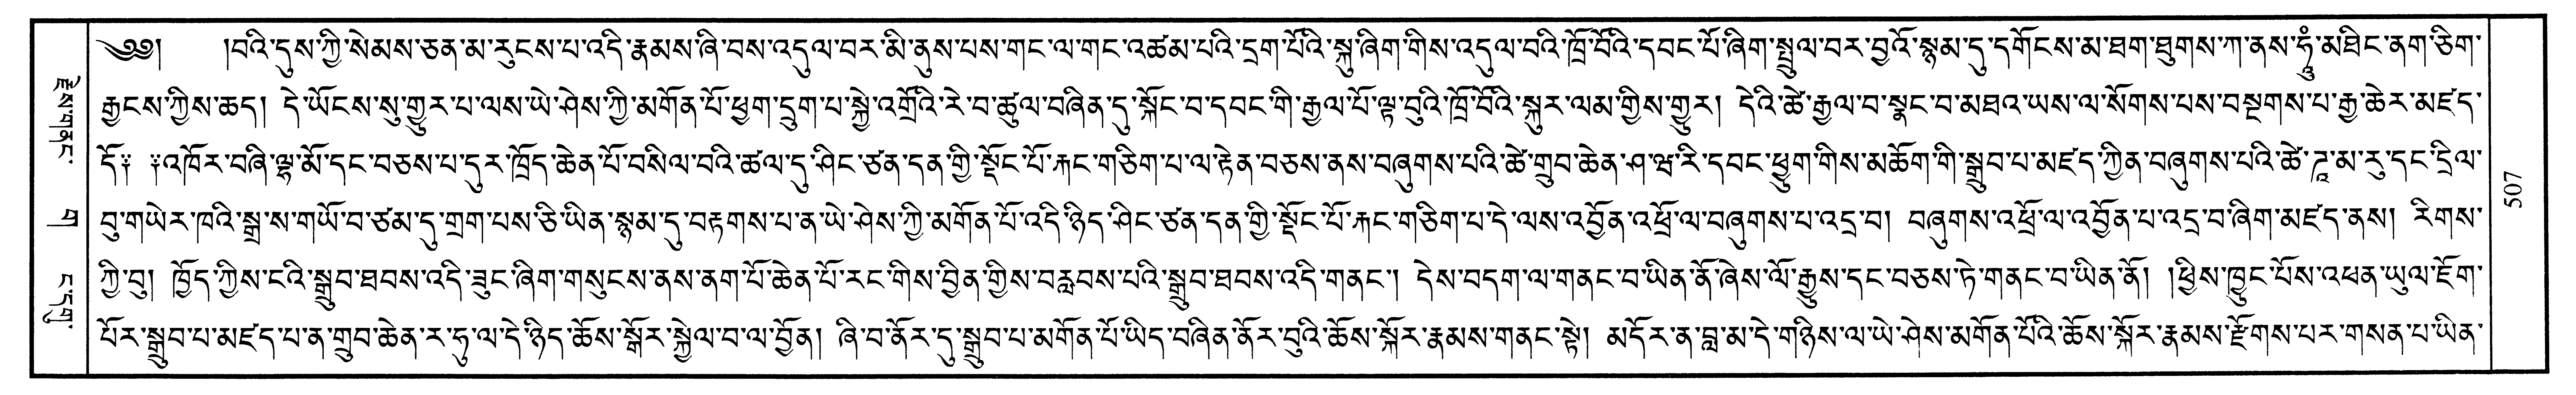༄༅། །བའི་དུས་ཀྱི་སེམས་ཅན་མ་རུངས་པ་འདི་རྣམས་ཞི་བས་འདུལ་བར་མི་ནུས་པས་གང་ལ་གང་འཚམ་པའི་དྲག་པོའི་སྐུ་ཞིག་གིས་འདུལ་བའི་ཁྲོ་བོའི་དབང་པོ་ཞིག་སྤྲུལ་བར་བྱའོ་སྙམ་དུ་དགོངས་མ་ཐག་ཐུགས་ཀ་ནས་ཧཱུཾ་མཐིང་ནག་ཅིག་
རྒྱངས་ཀྱིས་ཆད། དེ་ཡོངས་སུ་གྱུར་པ་ལས་ཡེ་ཤེས་ཀྱི་མགོན་པོ་ཕྱག་དྲུག་པ་སྐྱེ་འགྲོའི་རེ་བ་ཚུལ་བཞིན་དུ་སྐོང་བ་དབང་གི་རྒྱལ་པོ་ལྟ་བུའི་ཁྲོ་བོའི་སྐུར་ལམ་གྱིས་གྱུར། དེའི་ཚེ་རྒྱལ་བ་སྣང་བ་མཐའ་ཡས་ལ་སོགས་པས་བསྔགས་པ་རྒྱ་ཆེར་མཛད་
དོ༑ ༑འཁོར་བཞི་ལྷ་མོ་དང་བཅས་པ་དུར་ཁྲོད་ཆེན་པོ་བསིལ་བའི་ཚལ་དུ་ཤིང་ཙན་དན་གྱི་སྡོང་པོ་རྐང་གཅིག་པ་ལ་རྟེན་བཅས་ནས་བཞུགས་པའི་ཚེ་གྲུབ་ཆེན་ཤ་ཝ་རི་དབང་ཕྱུག་གིས་མཆོག་གི་སྒྲུབ་པ་མཛད་ཀྱིན་བཞུགས་པའི་ཚེ་ཌཱ་མ་རུ་དང་དྲིལ་
བུ་གཡེར་ཁའི་སྒྲ་ས་གཡོ་བ་ཙམ་དུ་གྲག་པས་ཅི་ཡིན་སྙམ་དུ་བརྟགས་པ་ན་ཡེ་ཤེས་ཀྱི་མགོན་པོ་འདི་ཉིད་ཤིང་ཙན་དན་གྱི་སྡོང་པོ་རྐང་གཅིག་པ་དེ་ལས་འབྱོན་འཕྲོ་ལ་བཞུགས་པ་འདྲ་བ། བཞུགས་འཕྲོ་ལ་འབྱོན་པ་འདྲ་བ་ཞིག་མཛད་ནས། རིགས་
ཀྱི་བུ། ཁྱོད་ཀྱིས་ངའི་སྒྲུབ་ཐབས་འདི་ཟུང་ཞིག་གསུངས་ནས་ནག་པོ་ཆེན་པོ་རང་གིས་བྱིན་གྱིས་བརླབས་པའི་སྒྲུབ་ཐབས་འདི་གནང་། དེས་བདག་ལ་གནང་བ་ཡིན་ནོ་ཞེས་ལོ་རྒྱུས་དང་བཅས་ཏེ་གནང་བ་ཡིན་ནོ། །ཕྱིས་ཁྱུང་པོས་འཕན་ཡུལ་ཇོག་
པོར་སྒྲུབ་པ་མཛད་པ་ན་གྲུབ་ཆེན་ར་ཧུ་ལ་དེ་ཉིད་ཆོས་སྒོར་སྐྱེལ་བ་ལ་བྱོན། ཞི་བ་ནོར་དུ་སྒྲུབ་པ་མགོན་པོ་ཡིད་བཞིན་ནོར་བུའི་ཆོས་སྐོར་རྣམས་གནང་སྟེ། མདོར་ན་བླ་མ་དེ་གཉིས་ལ་ཡེ་ཤེས་མགོན་པོའི་ཆོས་སྐོར་རྣམས་རྫོགས་པར་གསན་པ་ཡིན་